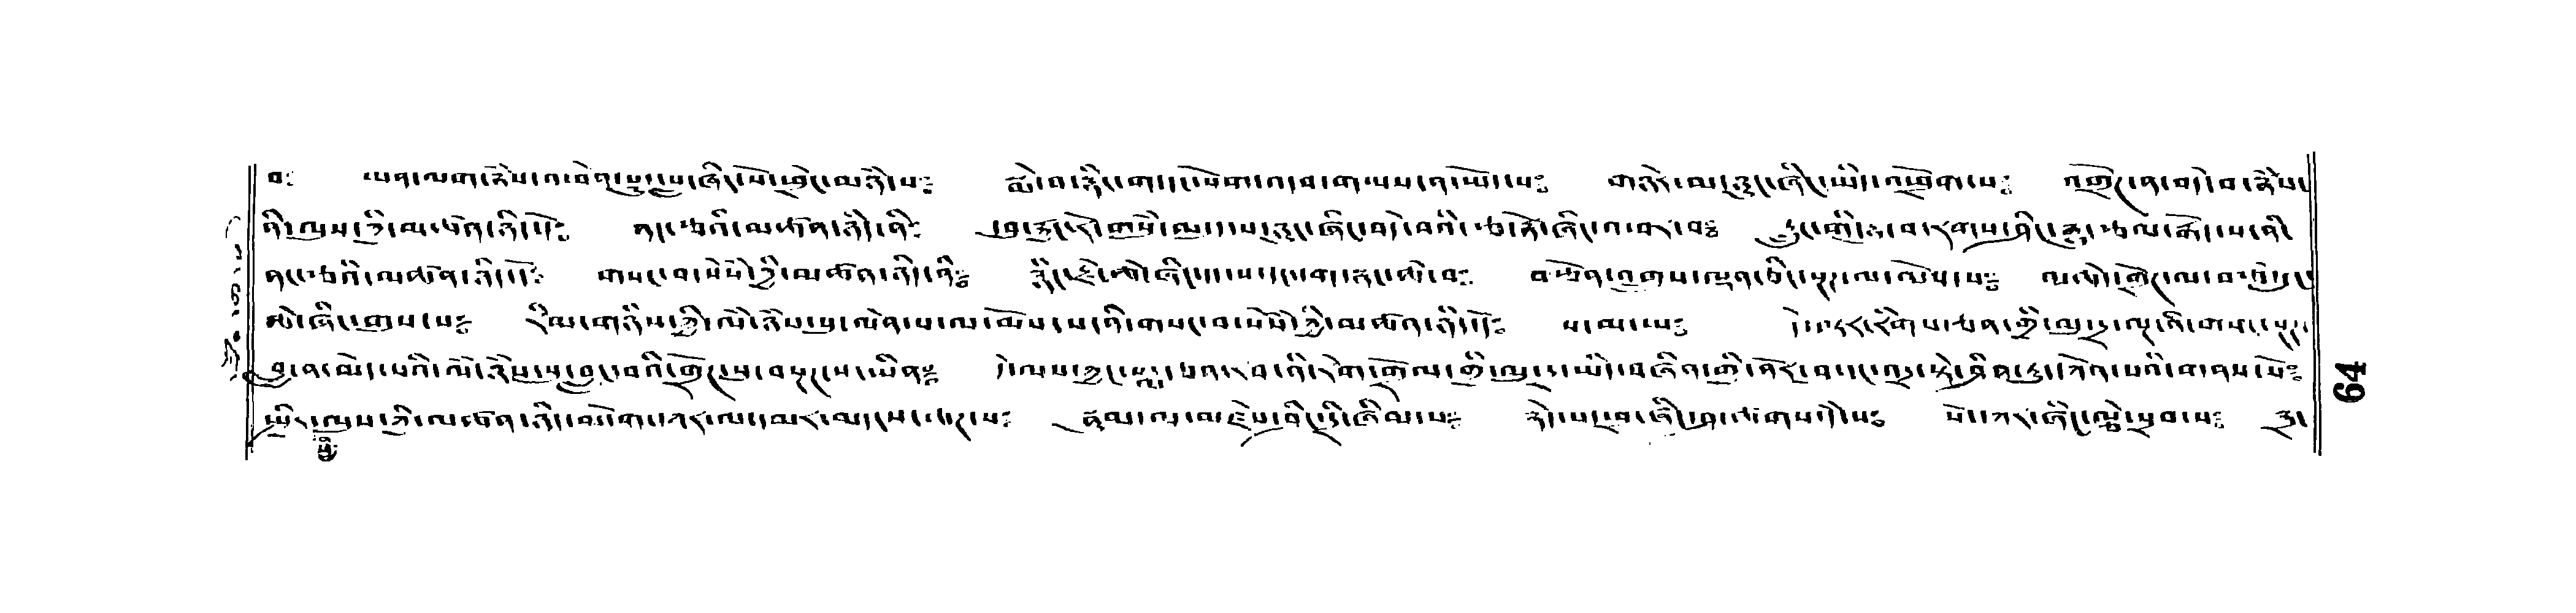བ༔ ཡན་ལག་རྣམས་འཕེན་སྡུད་སླ་ཞིང་པོ་ཕོ་བྲང་མཉམ་པ༔ སྨེ་བ་སྙིང་ག་དང་སོག་འདབ་གཡས་ན་ཡོད་པ༔ གཉེར་མ་ཉུང་ཞིང་ཡིད་འཕྲོག་པ༔ འགྲོགས་ན་བདེ་བ་རྣམས་
ནི་ལུས་ཀྱི་མཚན་ཉིད་དོ༔ ནང་རྩའི་མཚན་ཉིད་ནི༔ དབུ་རྐྱང་རོ་གསུམ་མདུད་པ་ཉུང་ཞིང་བདེ་བའི་རྩ་རྣོ་ཞིང་འཕར་བ༔ རླུང་གི་རྒྱུ་བ་རགས་ཤིང་སྒྱུ་རྩལ་རྒོད་པ་ནི་
ནང་རྩའི་མཚན་ཉིད་དོ༔ གསང་བ་སེམས་ཀྱི་མཚན་ཉིད་ནི༔ སྙིང་རྗེ་ཆེ་ཞིང་དད་པ་དང་དག་སྣང་ཆེ་བ༔ བརྩོན་འགྲུས་ལྡན་ཅིང་སྔགས་ལ་མོས་པ༔ མཆེད་གྲོགས་ལ་བརྩེ་དུང་
ཆེ་ཞིང་གུས་པ༔ རིམ་གཉིས་ཀྱི་ལམ་ཉམས་སུ་ལེན་པ་ལ་མོས་པ་ནི་གསང་བ་སེམས་ཀྱི་མཚན་ཉིད་དོ༔ ས་མ་ཡ༔ དེ་ལྟར་རིགས་ཅན་གྱི་མུ་དྲ་ལྔ་ནི་གསང་སྔགས་
བླ་ན་མེད་པའི་ལམ་ཉམས་སུ་བླང་བའི་གྲོགས་སུ་བསྔགས་པ་ཡིན༔ དེ་ལས་ཀྱང་པདྨ་ཅན་རབ་ནི་རེག་གྲོལ་གྱི་མུ་དྲ་ཡིད་བཞིན་གྱི་ནོར་བུ་དང་འདྲ་སྟེ་ཤིན་ཏུ་དཀོན་པའི་གནས་སོ༔ 
སྤྱིར་ཕྱི་ལུས་ཀྱི་མཚན་ཉིད་མདོག་དཀར་ལ་དམར་མདངས་ཆགས་པ༔ སྣུམ་ལ་མཛེས་ཤིང་དྲི་ཞིམ་པ༔ རྐེད་པ་ཕྲ་ཞིང་ཤ་ཚགས་དམ་པ༔ སོ་དཀར་ཞིང་ལྕེ་སྲབ་པ༔ སྐྲ་